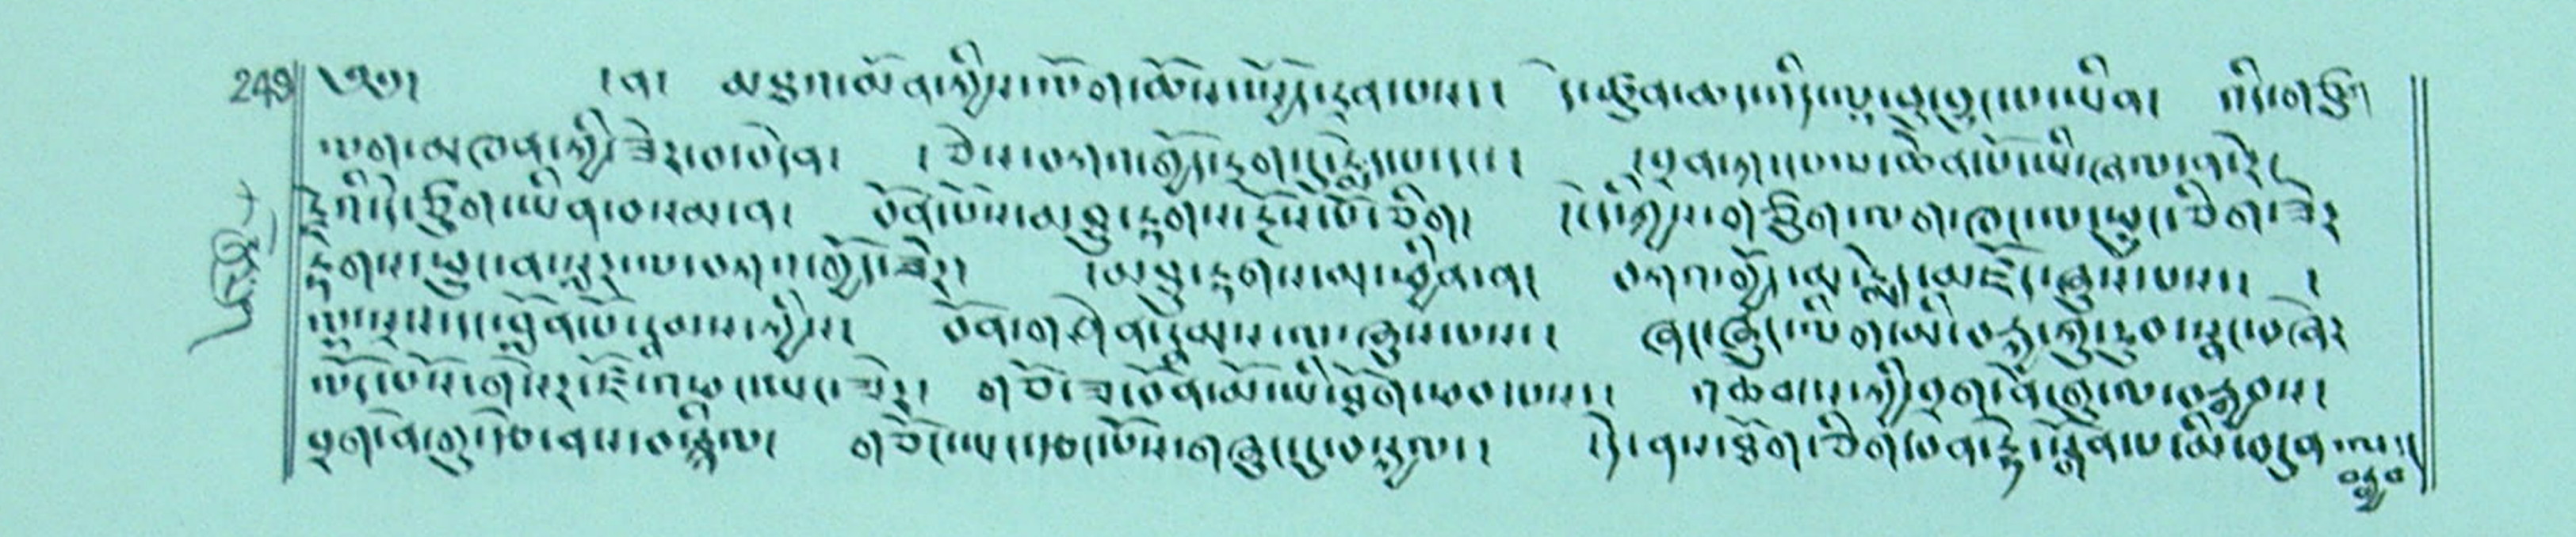༄༅། །ན། མཐའ་མོན་གྱི་ལོག་ཆོས་སྤྱོད་དྲན་པས། དེ་ཚུན་ཆད་འདི་ལྟ་བུ་བྱུང་བ་ཡིན། འདི་གཙུག་
ལག་མཁན་གྱིས་ཟེར་བ་བདེན། ཅེས་བཀའ་གྱོད་དྲག་ཏུ་རྨེད་པ་དང་། བྲན་ཀ་དཔལ་ཆེན་པོའི་ཞལ་ན་རེ། 
རྗེའི་་དེ་ཙུག་ཡིན་བསམ་ཏེ། བོན་པོའི་མཐུ་རྟགས་རྔོས་པོ་ཅིག ངེད་ཀྱི་གཙུག་ལག་ཁང་ལ་ཕྱུང་ཅིག་ཟེར། 
རྟགས་ཕྱུང་ན་སླར་ལ་བཀའ་གྱོད་ཟེར། མཐུ་རྟགས་མ་ཕྱིན་ན། བཀའ་གྱོད་མ་རྨེད་མཛོད་ཞུས་པས། 
ལྷ་སྲས་དང་བློན་པོ་རྣམས་ཀྱིས། བོན་གཤེན་རྣམས་ལ་ཞུས་པས། ཞང་ཞུང་ལིག་མི་རྐྱ་ཀུ་རུབ་སྣང་བཞེར་
ལོད་པོས་གསེར་ཛོ་འཕང་ཡང་ཟེར། གཅོ་ཟ་བོན་མོ་ཡིས་ཐོག་ཕབ་པས། འཆམས་ཀྱི་བྲག་ནེ་གུ་ལ་བརྒྱབ། 
བྲག་ནེ་གུ་རྩེ་ནས་བསྙིལ། གཅོང་ཡང་རྩང་པོའི་གཞུང་ལ་བསྐྱལ། དེ་ནས་ཐོག་ཅིག་བན་དྷེ་སྒོམ་པ་མི་བདུན་ལ་བརྒྱབ།